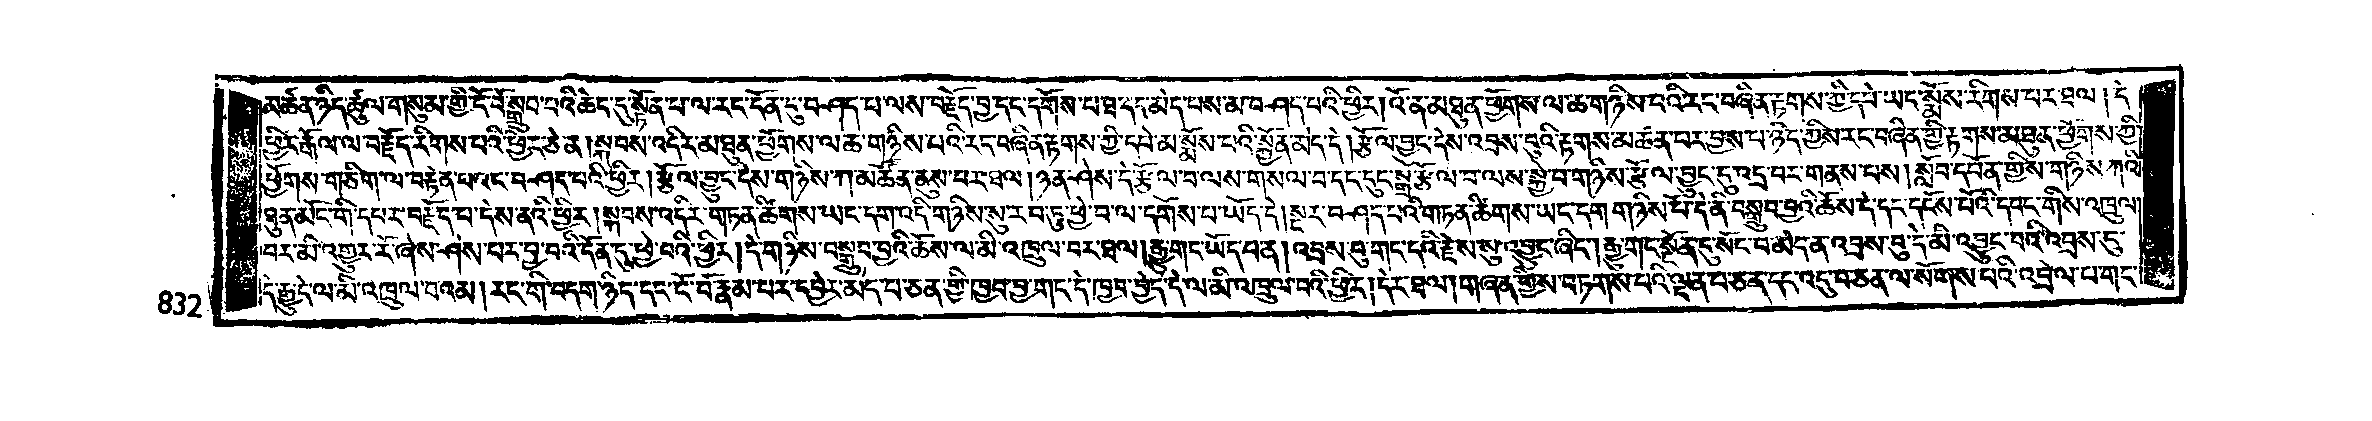མཚན་ཉིད་ཚུལ་གསུམ་གྱི་ངོ་བོ་སྒྲུབ་པའི་ཆེད་དུ་སྟོན་པ་ལ་རང་དོན་དུ་བཤད་པ་ལས་བརྗོད་བྱ་དང་དགོས་པ་ཐ་དད་མེད་པས་མ་བཤད་པའི་ཕྱིར། འོ་ན་མཐུན་ཕྱོགས་ལ་ཆ་གཉིས་པའི་རང་བཞིན་རྟགས་ཀྱི་དཔེ་ཡང་སྨོས་རིགས་པར་ཐལ། དེ་
ཕྱིར་རྒོལ་ལ་བརྗོད་རིགས་པའི་ཕྱིར་ཅེ་ན། སྐབས་འདིར་མཐུན་ཕྱོགས་ལ་ཆ་གཉིས་པའི་རང་བཞིན་རྟགས་ཀྱི་དཔེ་མ་སྨོས་པའི་སྐྱོན་མེད་དེ། རྩོལ་བྱུང་དེས་འབྲས་བུའི་རྟགས་མཚན་པར་བྱས་པ་ཉིད་ཀྱིས་རང་བཞིན་གྱི་རྟགས་པ་ཐུན་ཕྱོགས་ཀྱི་
ཕྱོགས་གཅིག་ལ་བརྟེན་པའང་བཤད་པའི་ཕྱིར། རྩོལ་བྱུང་དེས་གཉིས་ཀ་མཚོན་ནུས་པར་ཐལ། ཉན་ཤེས་དེ་རྩོལ་བ་ལས་གསལ་བ་དང་དུང་སྒྲ་རྩོལ་བ་ལས་སྐྱེ་བ་གཉིས་རྩོལ་བྱུང་དུ་འདྲ་བར་གནས་པས། སློབ་དཔོན་གྱིས་གཉིས་ཀའི་
ཐུན་མོང་གི་དཔེར་བརྗོད་པ་དེས་ནའི་ཕྱིར། སྐབས་འདིར་གཏན་ཚིགས་ཡང་དག་འདི་གཉིས་སུ་རབ་ཏུ་ཕྱེ་བ་ལ་དགོས་པ་ཡོད་དེ། སྔར་བཤད་པའི་གཏན་ཚིགས་ཡང་དག་གཉིས་པོ་དེ་ནི་བསྒྲུབ་བྱའི་ཆོས་དེ་དང་དངོས་པོའི་དབང་གིས་འཁྲུལ་
པར་མི་འགྱུར་རོ་ཞེས་ཤེས་པར་བྱ་བའི་དོན་དུ་ཕྱེ་བའི་ཕྱིར། དེ་གཉིས་བསྒྲུབ་བྱའི་ཆོས་ལ་མི་འཁྲུལ་པར་ཐལ། རྒྱུ་གང་ཡོད་པ་ན། འབྲས་བུ་གང་དའི་རྗེས་སུ་འབྱུང་ཞིང་། རྒྱུ་གང་སྔོན་དུ་སོང་བ་མེད་ན་འབྲས་བུ་དེ་མི་འབྱུང་བའི་འབྲས་བུ་
དེ་རྒྱུ་དེ་ལ་མི་འཁྲུལ་པའམ། རང་གི་བདག་ཉིད་དང་ངོ་བོ་རྣམ་པར་དབྱེར་མེད་པ་ཅན་གྱི་ཁྱབ་བྱ་གང་དེ་ཁྱབ་བྱེད་དེ་ལ་མི་འཁྲུལ་པའི་ཕྱིར། དེར་ཐལ། གཞན་གྱིས་བཏགས་པའི་ལྡན་པ་ཅན་དང་འདུ་བ་ཅན་ལ་སོགས་པའི་འབྲེལ་པ་གང་